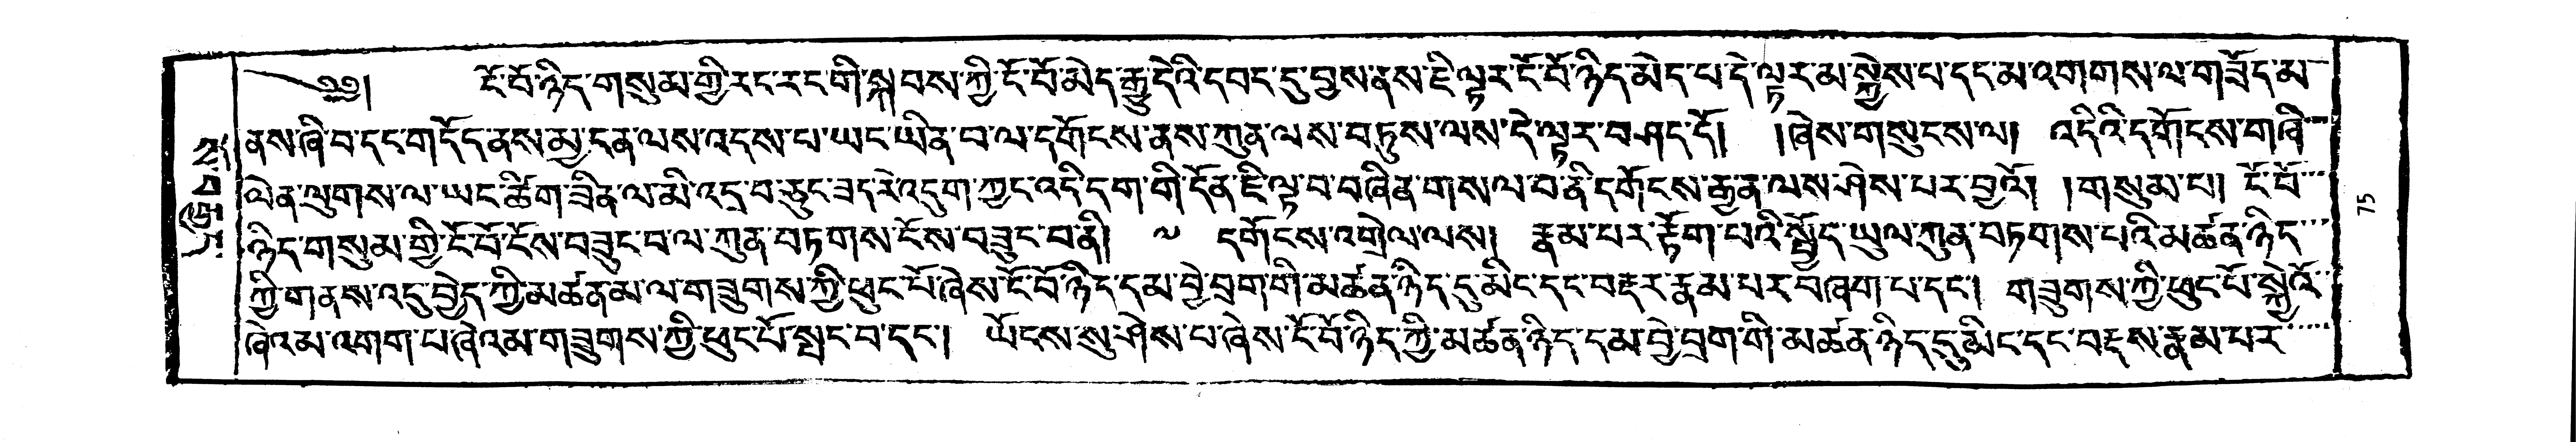༄༅། །ངོ་བོ་ཉིད་གསུམ་གྱི་རང་རང་གི་སྐབས་ཀྱི་ངོ་བོ་མེད་རྒྱུ་དེའི་དབང་དུ་བྱས་ནས་ཇི་ལྟར་ངོ་བོ་ཉིད་མེད་པ་དེ་ལྟར་མ་སྐྱེས་པ་དང་མ་འགགས་ལ་གཟོད་མ་
ནས་ཞི་བ་དང་གདོད་ནས་མྱ་ངན་ལས་འདས་པ་ཡང་ཡིན་པ་ལ་དགོངས་ནས་ཀུན་ལས་བཏུས་ལས་དེ་ལྟར་བཤད་དོ། །ཞེས་གསུངས་ལ། འདིའི་དགོངས་གཞི་
ལེན་ལུགས་ལ་ཡང་ཚིག་ཟིན་ལ་མི་འདྲ་བ་ཅུང་ཟད་རེ་འདུག་ཀྱང་འདི་དག་གི་དོན་ཇི་ལྟ་བ་བཞིན་གསལ་བ་ནི་དགོངས་རྒྱན་ལས་ཤེས་པར་བྱའོ། །གསུམ་པ། ངོ་བོ་
ཉིད་གསུམ་གྱི་ངོ་བོ་ངོས་བཟུང་བ་ལ་ཀུན་བཏགས་ངོས་བཟུང་བ་ནི། དགོངས་འགྲེལ་ལས། རྣམ་པར་རྟོག་པའི་སྤྱོད་ཡུལ་ཀུན་བཏགས་པའི་མཚན་ཉིད་
ཀྱི་གནས་འདུ་བྱེད་ཀྱི་མཚན་མ་ལ་གཟུགས་ཀྱི་ཕུང་པོ་ཞེས་ངོ་བོ་ཉིད་དམ་བྱེ་བྲག་གི་མཚན་ཉིད་དུ་མིང་དང་བརྡར་རྣམ་པར་བཞག་པ་དང་། གཟུགས་ཀྱི་ཕུང་པོ་སྐྱེའོ་
ཞེའམ་འགག་པ་ཞེའམ་གཟུགས་ཀྱི་ཕུང་པོ་སྤང་བ་དང་། ཡོངས་སུ་ཤེས་པ་ཞེས་ངོ་བོ་ཉིད་ཀྱི་མཚན་ཉིད་དམ་བྱེ་བྲག་གི་མཚན་ཉིད་དུ་མིང་དང་བརྡས་རྣམ་པར་